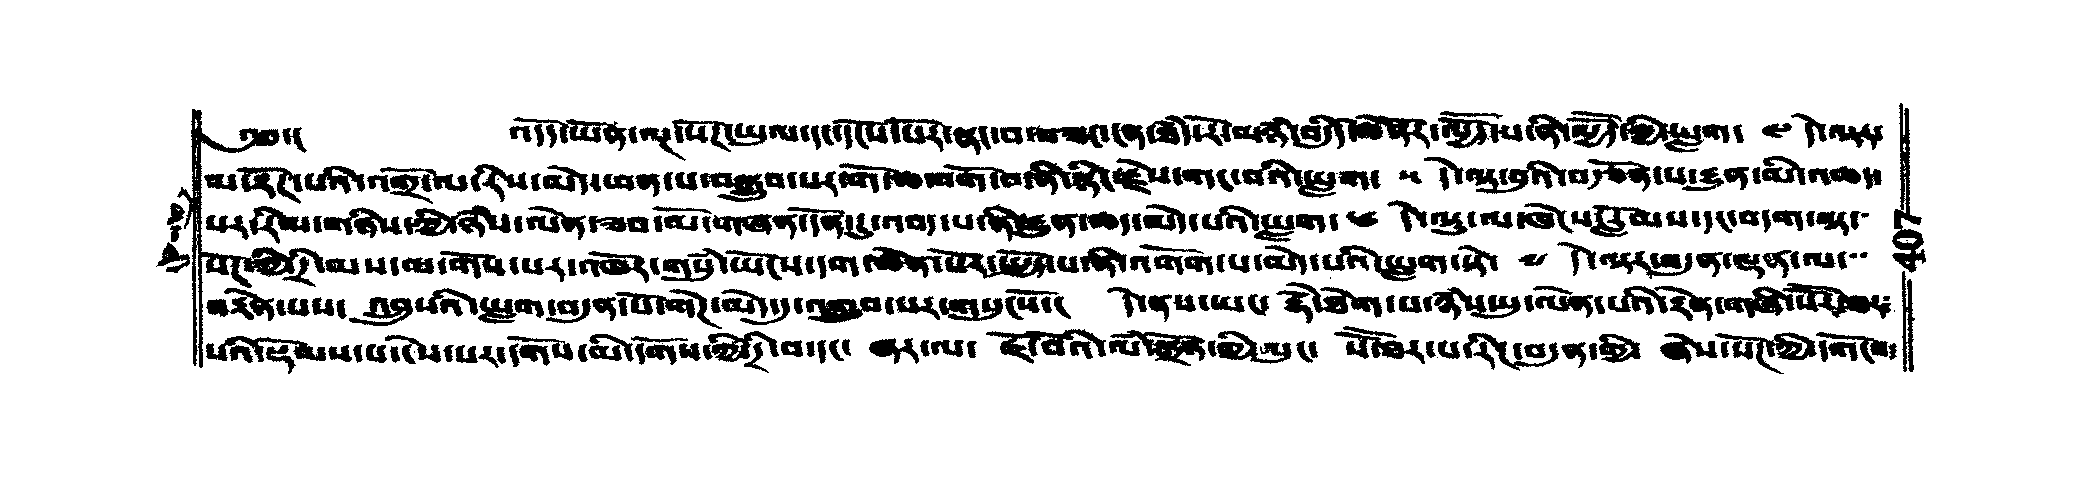འདོད་ཡོན་ལྔ་སོགས་ཡུལ་དང་དངོས་པོར་སྣང་བ་བཟང་ངན་ཐམས་ཅད་རོ་མཉམ་བདུད་རྩིའི་ཆེན་པོར་ལོངས་སྤྱོད་པ་ནི་ལོངས་སྤྱོད་ཀྱི་ཡན་ལག དེ་ལྟར་
མ་རྟོགས་པའི་འགྲོ་ལ་རིས་མེད་ཕན་པ་བསྒྲུབ་པར་གོ་ཆ་བགོ་བ་ནི་སྙིང་རྗེས་གང་བའི་ཡན་ལག དེ་ལྟ་བུའི་བརྩོན་པ་རྒྱུན་མི་འཆད་
པར་རིམ་གཉིས་ཀྱི་ཉམས་ལེན་ཟབ་མོ་གཞན་དོན་དུ་འབད་པ་ནི་རྒྱུན་ཆད་མེད་པའི་ཡན་ལག དེ་ལྟ་བུ་ལ་ཁེངས་རློམས་དང་བདག་ལྟ་
སོགས་ཀྱི་དྲི་མས་མ་གོས་པར་འཁོར་གསུམ་ཡོངས་དག་ཆེན་པོར་སྤྱོད་པ་ནི་འགོག་པ་མེད་པའི་ཡན་ལག་སྟེ། དེ་ལྟར་བདུན་ལྡན་ལ་
བརྟེན་པས། འབྲས་བུའི་ཡན་ལག་བདུན་པོ་གེགས་མེད་དུ་འགྲུབ་པར་གསུངས་སོ། དེ་ཡང་རྡོ་རྗེ་ཐེག་པ་ཉམས་སུ་ལེན་པའི་རྟེན་གཞི་སོ་སོར་ཐར་
པའི་སྡོམ་པ་ངེས་པར་དགོས་མི་དགོས་ཀྱི་དྲི་བ་དང་། ཞར་ལ་ཇོ་བོའི་ལམ་སྒྲོན་གྱི་ལུང་། སོ་སོ་ཐར་པ་རིགས་བདུན་གྱི། ཞེས་སོགས་ཀྱི་དགོངས་